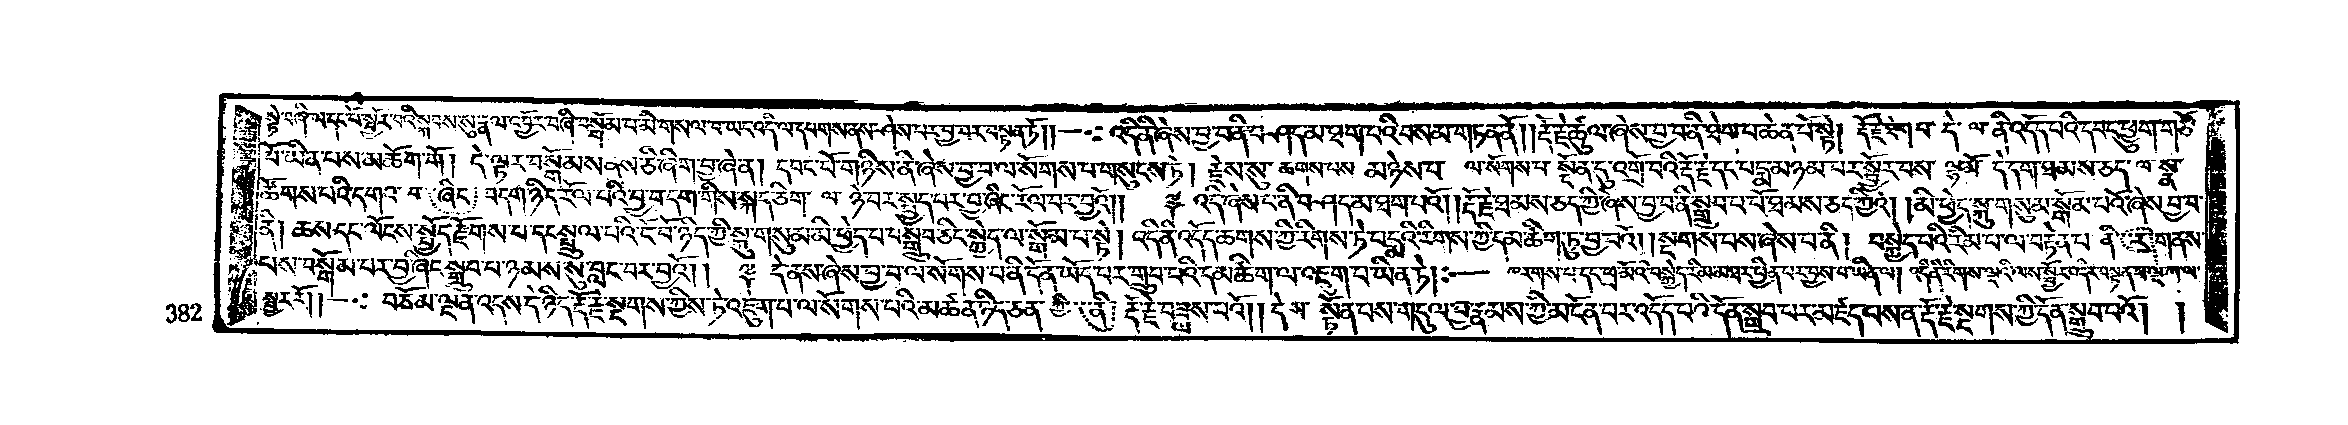སྟེ་བཞི་ལ་དང་པོ་སྦྱོར་བའི་སྐབས་སུ་རྣལ་འབྱོར་བཞི་བསྒོམ་པ་མི་གསལ་བ་ཡང་འདི་ལ་དཔགས་ནས་ཤེས་པར་བྱ་བར་བསྟན་ཏོ།། འདི་ནི་ཞེས་བྱ་བ་ནི་བཤད་མ་ཐག་པའི་བསམ་གཏན་ནོ། །རྡོ་རྗེ་ཚུལ་ཞེས་བྱ་བ་ནི་ཐེག་པ་ཆེན་པོ་སྟེ། རྡོ་རྗེ་ཐེག་པ་དེ་ལ་ནི་འདོད་པའི་དབང་ཕྱུག་གཙོ་བོ་ཡིན་པས་མཆོག་གོ །དེ་ལྟར་བསྒོམས་ནས་ཅི་ཞིག་བྱ་ཞེ་ན། དབང་པོ་གཉིས་ནི་ཞེས་བྱ་བ་ལ་སོགས་པ་གསུངས་ཏེ། རྗེས་སུ་ཆགས་པས་མཉེས་པ་ལ་སོགས་པ་སྔོན་དུ་འགྲོ་བའི་རྡོ་རྗེ་དང་པདམ་མཉམ་པར་སྦྱོར་བས་ལྷ་མོ་དེ་དག་ཐམས་ཅད་ལ་སྣ་
ཚོགས་པའི་དགའ་བ་ཞིང་བདག་ཉིད་རོལ་པའི་བྱ་བ་དག་གིས་སྐད་ཅིག་ལ་ཉེ་བར་སྤྱད་པར་བྱ་ཞིང་རོལ་བར་བྱའོ།། ༈ འདི་ཞེས་པ་ནི་བཤད་མ་ཐག་པའོ། །རྡོ་རྗེ་ཐམས་ཅད་ཀྱི་ཞེས་བྱ་བ་ནི་སྒྲུབ་པ་པོ་ཐམས་ཅད་ཀྱིའོ། །མི་ཕྱེད་སྐུ་གསུམ་སྒོམ་པའོ་ཞེས་བྱ་བ་
ནི། ཆོས་དང་ལོངས་སྤྱོད་རྫོགས་པ་དང་སྤྲུལ་པའི་ངོ་བོ་ཉིད་ཀྱི་སྐུ་གསུམ་མི་ཕྱེད་པ་བསྒྲུབ་ཅིང་སྐྱེད་ལ་སྒོམ་པ་སྟེ། འདི་ནི་འདོད་ཆགས་ཀྱི་རིགས་ཏེ་པདམའི་རིགས་ཀྱི་དམ་ཚིག་ཏུ་བྱ་བའོ། །སྔགས་པས་ཞེས་པ་ནི། བསྐྱེད་པའི་རིམ་པ་ལ་བརྟེན་པ་ནི་ར་གནས་
པས་བསྒོམ་པར་བྱ་ཞིང་སྒྲུབ་པ་ཉམས་སུ་བླང་བར་བྱའོ།། ༈ དེ་ནས་ཞེས་བྱ་བ་ལ་སོགས་པ་ནི་དོན་ཡོད་པར་གྲུབ་པའི་དམ་ཚིག་ལ་འཇུག་པ་ཡིན་ཏེ། ༧རགས་པ་དང་ཕྲ་མོའི་བསྐྱེད་རིམ་མཐར་ཕྱིན་པར་བྱས་པ་ཡིན་ལ། འདི་ནི་རིགས་ལྔའི་ལས་སྦྱོར་འདིར་བསྟན་པ་ལྔ་ཀ་ལ་
སྦྱར་རོ།། བཅོམ་ལྡན་འདས་དེ་ཉིད་རྡོ་རྗེ་སྔགས་ཀྱིས་ཏེ་འཇུག་པ་ལ་སོགས་པའི་མཚན་ཉིད་ཅན་གྱི་ནི་རྡོ་རྗེ་བཟླས་པའོ། །དེས་སྟོན་པས་གདུལ་བྱ་རྣམས་ཀྱི་མངོན་པར་འདོད་པའི་དོན་སྒྲུབ་པར་མཛད་པས་ན་རྡོ་རྗེ་སྔགས་ཀྱི་དོན་སྒྲུབ་པའོ། །